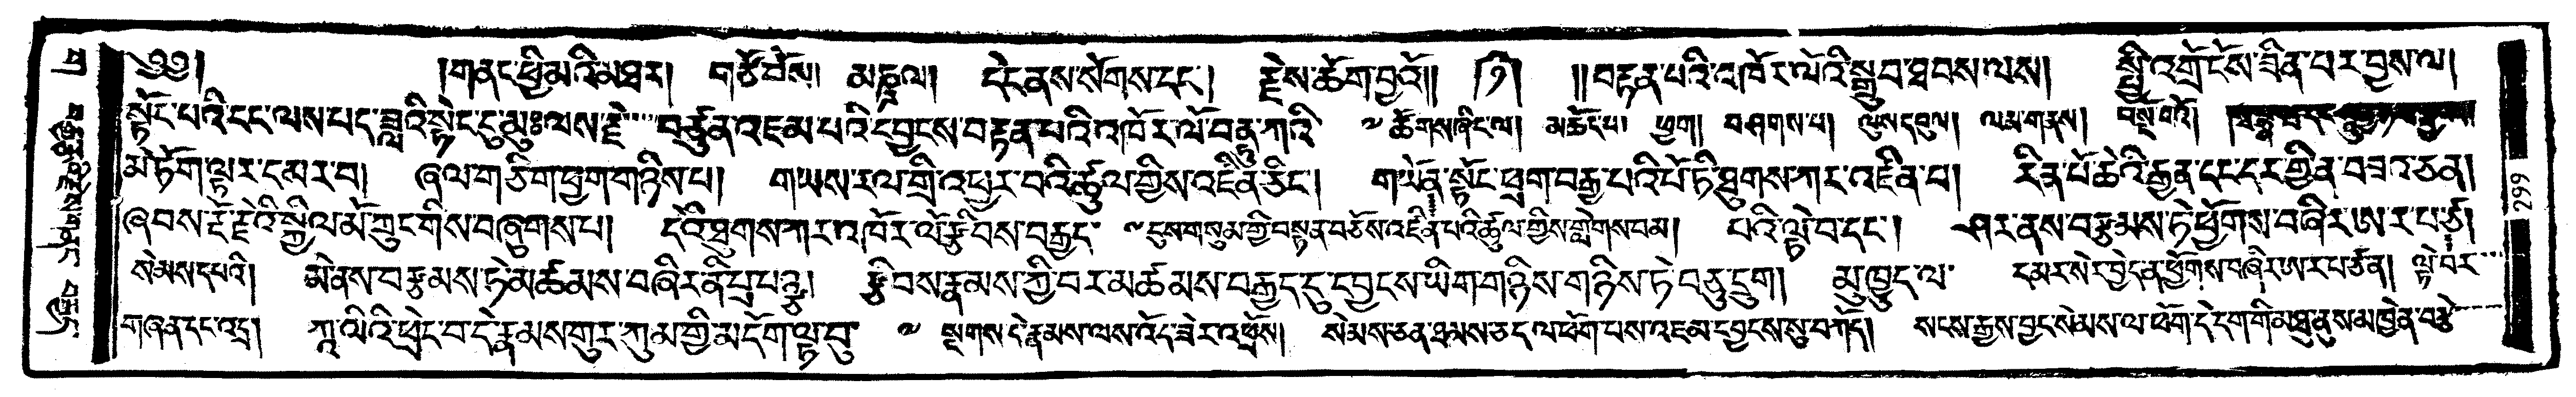༄༅། །གནང་ཕྱི་མའི་མཐར། གཙོ་བོས། མཎྜལ། དེང་ནས་སོགས་དང་། རྗེས་ཆོག་བྱའོ།། ༡?་།།བརྟན་པའི་འཁོར་ལོའི་སྒྲུབ་ཐབས་ལས། སྤྱི་འགྲོ་ངོས་ཟིན་པར་བྱས་ལ།
སྟོང་པའི་ངང་ལས་པད་ཟླའི་སྟེང་དུ་མུཿལས་རྗེ་བཙུན་འཇམ་པའི་དབྱངས་བརྟན་པའི་འཁོར་ལོ་བནྟུ་ཀའི་༧ཚོགས་ཞིང་ལ། མཆོད་པ། ཕྱག། བཤགས་པ། ལུས་དབུལ། ལམ་གནས། བསྔོ་བའོ། །??
མེ་ཏོག་ལྟར་དམར་བ། ཞལ་གཅིག་ཕྱག་གཉིས་པ། གཡས་རལ་གྲི་འཕྱར་བའི་ཚུལ་གྱིས་འཛིན་ཅིང་། གཡོན་སྟོང་ཕྲག་བརྒྱ་པའི་པོ་ཏི་ཐུགས་ཀར་འཛིན་པ། རིན་པོ་ཆེའི་རྒྱན་དང་དར་གྱི་ན་བཟའ་ཅན།
ཞབས་རྡོ་རྗེའི་སྐྱིལ་མོ་ཀྲུང་གིས་བཞུགས་པ། དེའི་ཐུགས་ཀར་འཁོར་ལོ་རྩིབས་བརྒྱད་༧་དུས་གསུམ་གྱི་བསྟན་བཅོས་འཛིན་པའི་ཚུལ་གྱིས་གླེགས་བམ། པའི་ལྟེ་བ་དང་། ཤར་ནས་བརྩམས་ཏེ་ཕྱོགས་བཞིར་ཨ་ར་པ་ཙ།
སེམས་དཔའི། མེ་ནས་བརྩམས་ཏེ་མཚམས་བཞིར་ནི་པྲ་པཉྩ། རྩིབས་རྣམས་ཀྱི་བར་མཚམས་བརྒྱད་དུ་དབྱངས་ཡིག་གཉིས་གཉིས་ཏེ་བཅུ་དྲུག། མུ་ཁྱུད་ལ་དམར་སེར་བྱེད་ན་ཕྱོགས་བཞིར་ཨ་ར་པ་ཙ་ན། ལྟེ་བར་
གཞན་དང་འདྲ། ཀཱ་ལིའི་ཕྲེང་བ་དེ་རྣམས་གུར་ཀུམ་གྱི་མདོག་ལྟ་བུ་༧་སྔགས་དེ་རྣམས་ལས་འོད་ཟེར་འཕྲོས། སེམས་ཅན་ཐམས་ཅད་ལ་ཕོག་པས་འཇམ་དབྱངས་སུ་བཀོད། སངས་རྒྱས་བྱང་སེམས་ལ་ཕོག་དེ་དག་གི་མཐུ་ནུས་མཁྱེན་བརྩེ་